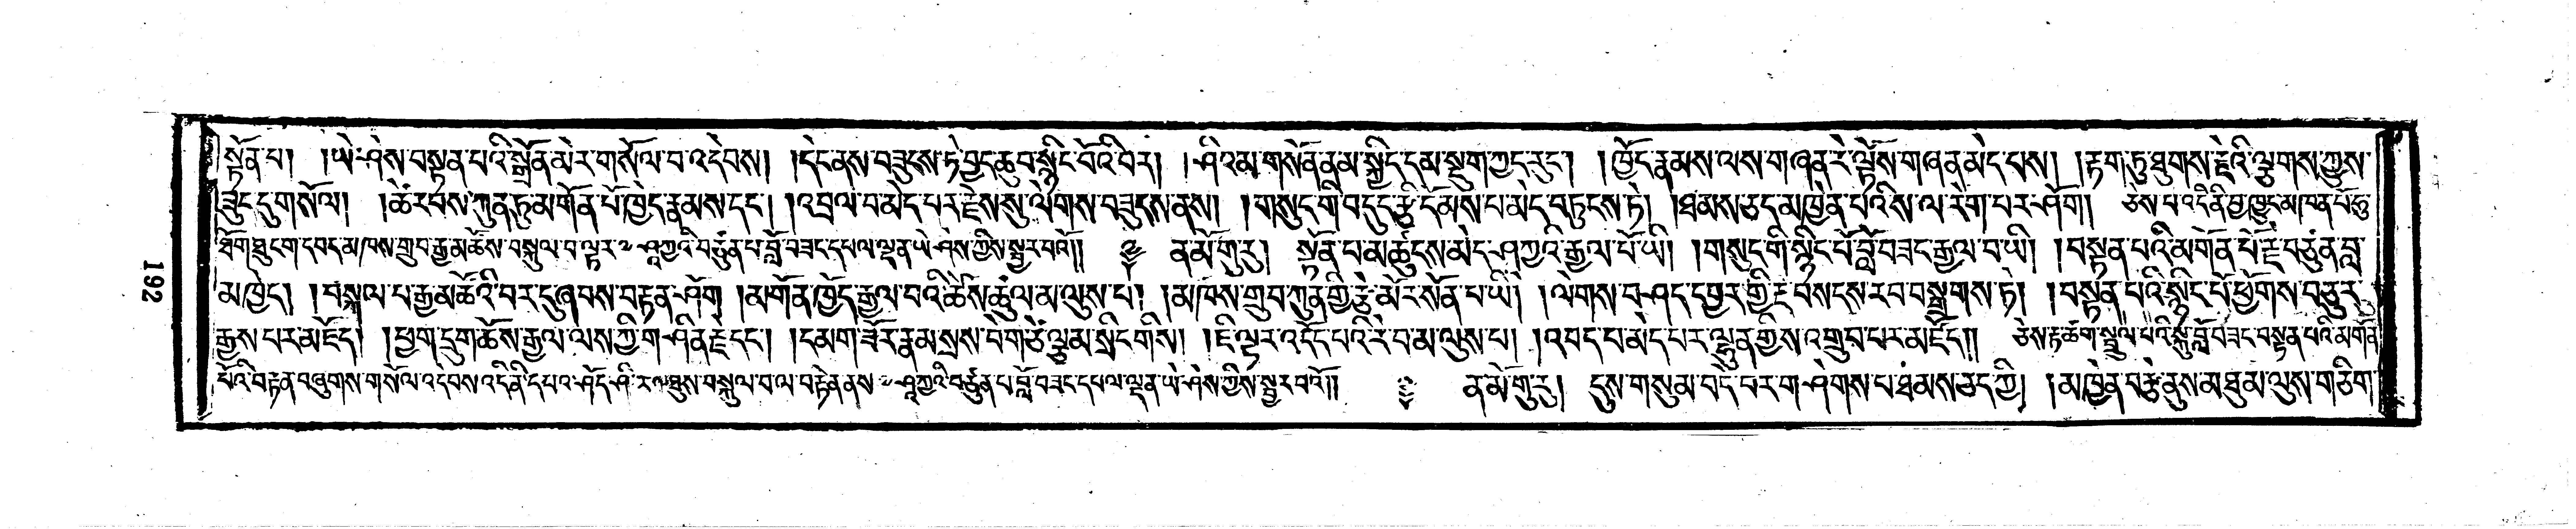སྟོན་པ། །ཡེ་ཤེས་བསྟན་པའི་སྒྲོན་མེར་གསོལ་བ་འདེབས། །དེང་ནས་བཟུངས་ཏེ་བྱང་ཆུབ་སྙིང་བོའི་བར། །ཤིའམ་གསོན་ནམ་སྐྱིད་དམ་སྡུག་ཀྱང་རུང་། །ཁྱོད་རྣམས་ལས་གཞན་རེ་ལྟོས་གཞན་མེད་པས། །རྟག་ཏུ་ཐུགས་རྗེའི་ལྕགས་ཀྱུས་
ཟུང་དུ་གསོལ། །ཚེ་རབས་ཀུན་ཏུ་མགོན་པོ་ཁྱེད་རྣམས་དང་། །འབྲལ་བ་མེད་པར་རྗེས་སུ་ལེགས་བཟུངས་ནས། །གསུང་གི་བདུད་རྩི་མདོས་པ་མེད་བཏུངས་ཏེ། །ཐམས་ཅད་མཁྱེན་པའི་ས་ལ་རེག་པར་ཤོག། ཅེས་པ་འདི་ནི་བྱ་ཁྱུང་མཁན་པོ་ཧུ་
ཐོག་ཐུ་ངག་དབང་མཁས་གྲུབ་རྒྱ་མཚོས་བསྐུལ་བ་ལྟར་༧་ཤཱཀྱའི་བཙུན་པ་བློ་བཟང་དཔལ་ལྡན་ཡེ་ཤེས་ཀྱིས་སྦྱར་པའོ།། ༈ ན་མོ་གུ་རུ། སྟོན་པ་མཚུངས་མེད་ཤཱཀྱའི་རྒྱལ་པོ་ཡི། །གསུང་གི་སྙིང་བོ་བློ་བཟང་རྒྱལ་བ་ཡི། །བསྟན་པའི་མགོན་པོ་རྗེ་བཙུན་བླ་
མཁྱེན། །བསྐལ་པ་རྒྱ་མཚོའི་བར་དུ་ཞབས་བརྟན་ཤོག །མགོན་ཁྱོད་རྒྱལ་བའི་ཚེས་ཚུལ་མ་ལུས་པ། །མཁས་གྲུབ་ཀུན་གྱི་རྩེ་མོར་སོན་པ་ཡི། །ལེགས་བཤད་དབྱར་གྱི་རྔ་བསངས་རབ་བསྒྲགས་ཏེ། །བསྟན་པའི་སྙིང་པོ་ཕྱོགས་བཅུར་
རྒྱས་པར་མཛོད། །ཕྱག་དྲུག་ཆོས་རྒྱལ་ལས་ཀྱི་གཤིན་རྗེ་དང་། །དམག་ཟོར་རྣམ་སྲས་བེག་ཙེ་ལྕམ་སྲིང་གིས། །ཇི་ལྟར་འདོད་པའི་རེ་བ་མ་ལུས་པ། །འབད་པ་མེད་པར་ལྷུན་གྱིས་འགྲུབ་པར་མཛོད། ཅེས་རྟ་ཚག་སྤྲུལ་པའི་སྐུ་བློ་བཟང་བསྟན་པའི་མགོན་
པོའི་བརྟན་བཞུགས་གསོལ་འདེབས་འདི་ནི་དཔའ་ཤོད་ཤི་རལ་ཐུས་བསྐུལ་བ་ལ་བརྟན་ནས་༧་ཤཱཀྱའི་བཙུན་བ་བློ་བཟང་དཔལ་ལྡན་ཡེ་ཤེས་ཀྱིས་སྦྱར་བའོ།། ༈ ན་མོ་གུ་རུ། དུས་གསུམ་བདེ་པར་གཤེགས་པ་ཐམས་ཅད་ཀྱི། །མཁྱེན་བརྩེ་ནུས་མཐུམ་ལུས་གཅིག་